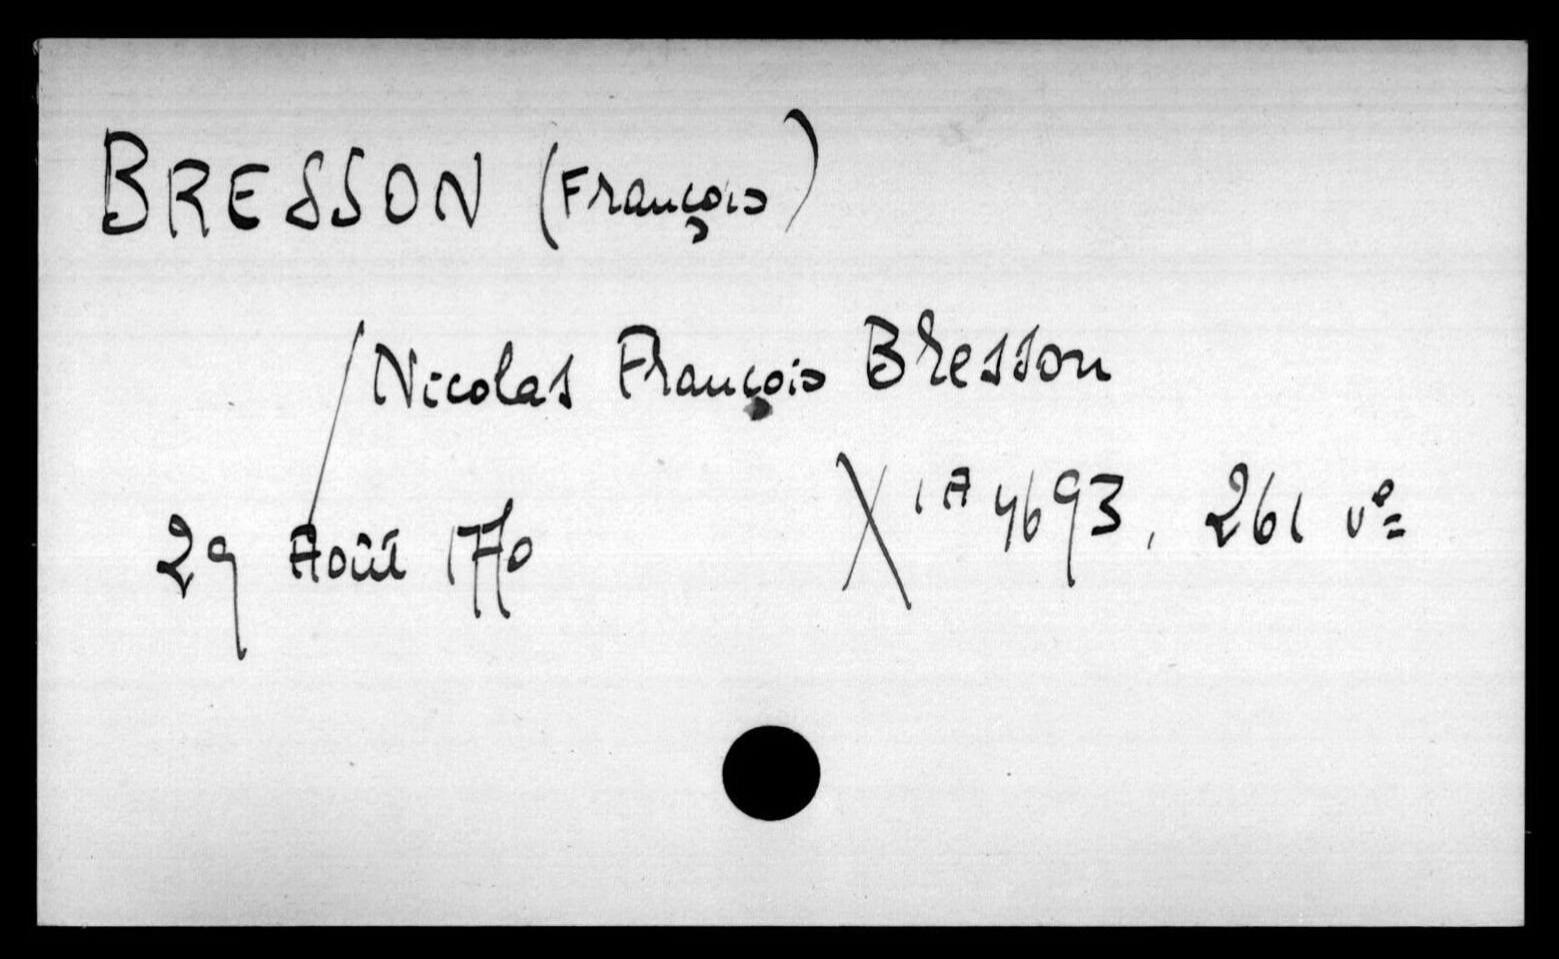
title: BRESSON (François)
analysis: Contre Nicolas François Bresson
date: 29 août 1770
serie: X1A
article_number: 4693
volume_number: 261v
